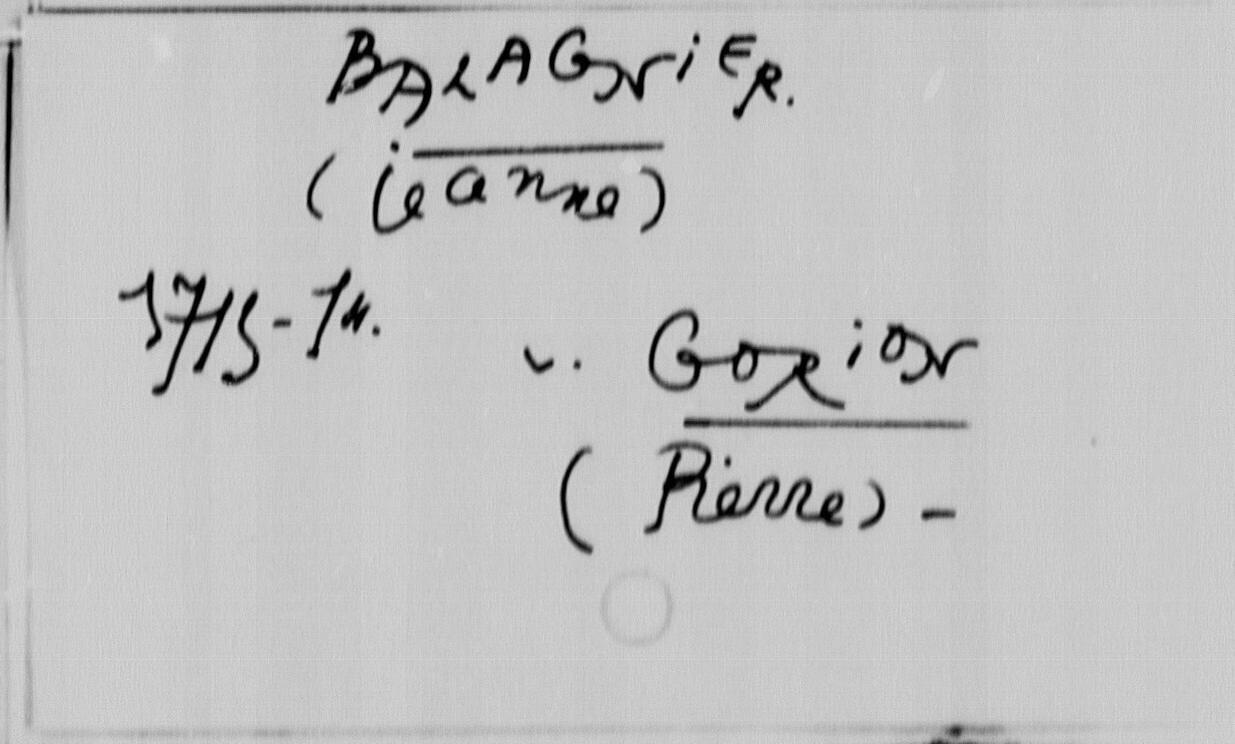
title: BALAGNIER (Jeanne)
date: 1713-1714
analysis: Voir GORION (Pierre)
